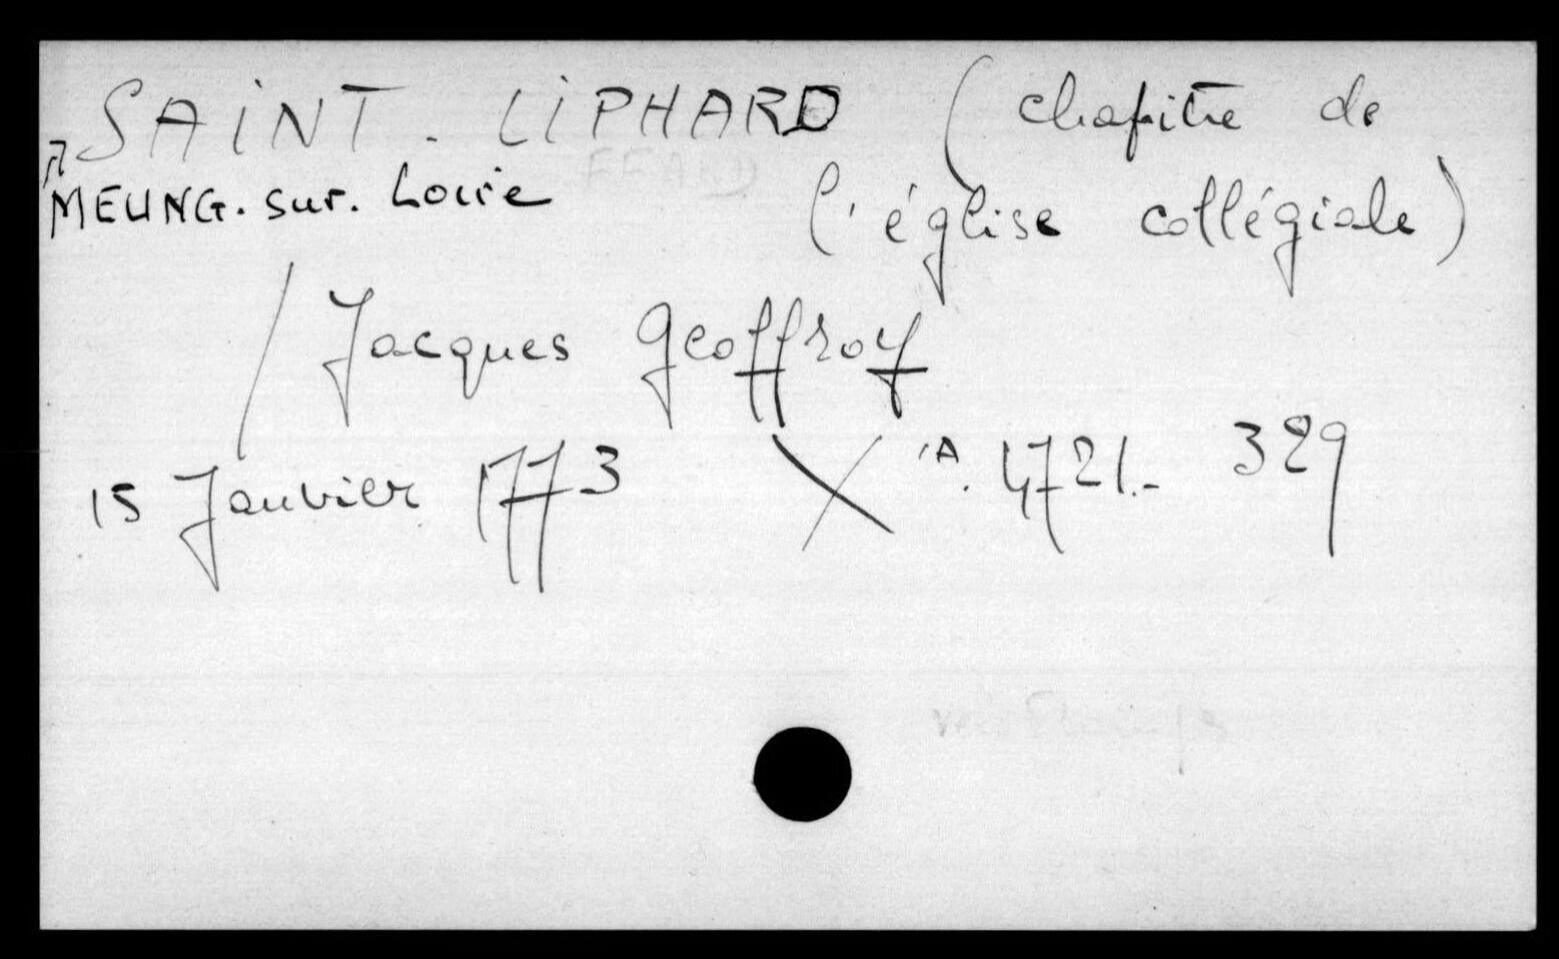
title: AINT-LIPHARD (Chapitre de l'église collégiale) à Meung-sur-Loire
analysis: Contre Jacques Geoffroy
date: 15 janvier 1773
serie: X1A
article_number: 4721
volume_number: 329
